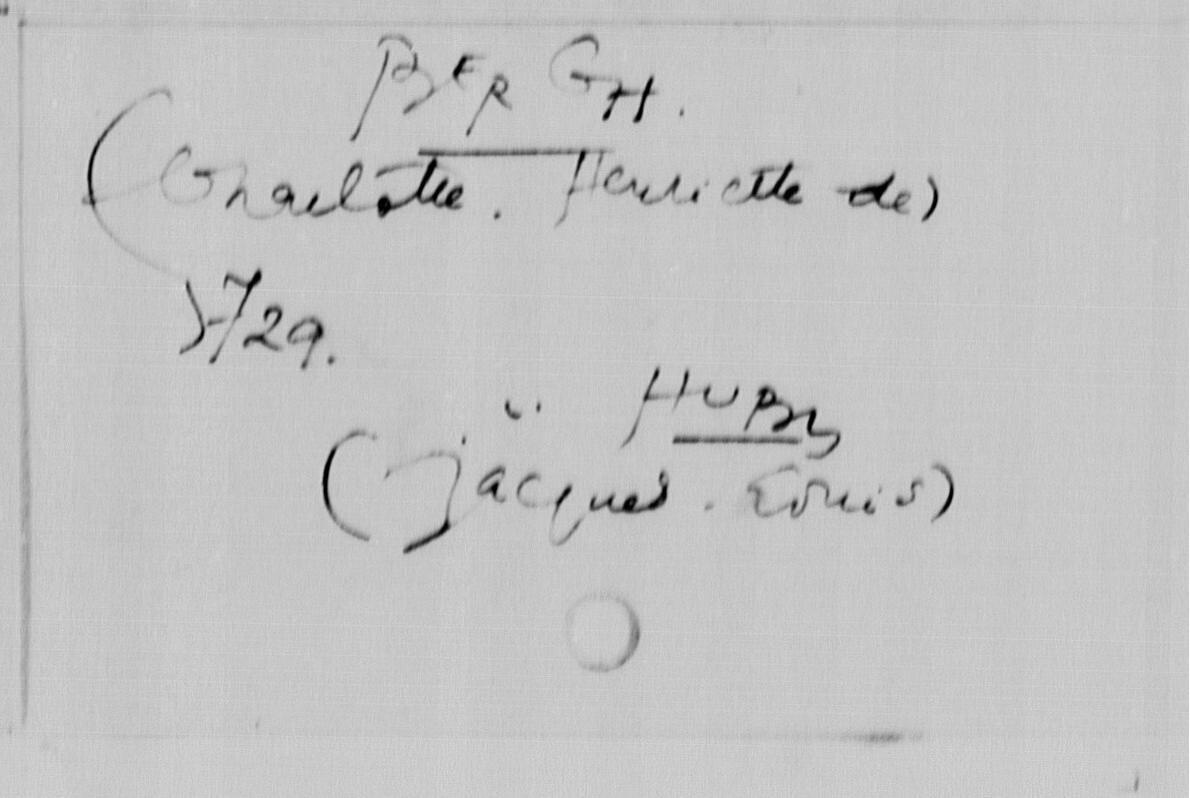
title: BERGH (Charlotte, Henriette de)
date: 1729
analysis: Voir : HUBRY (Jacques-Louis)
